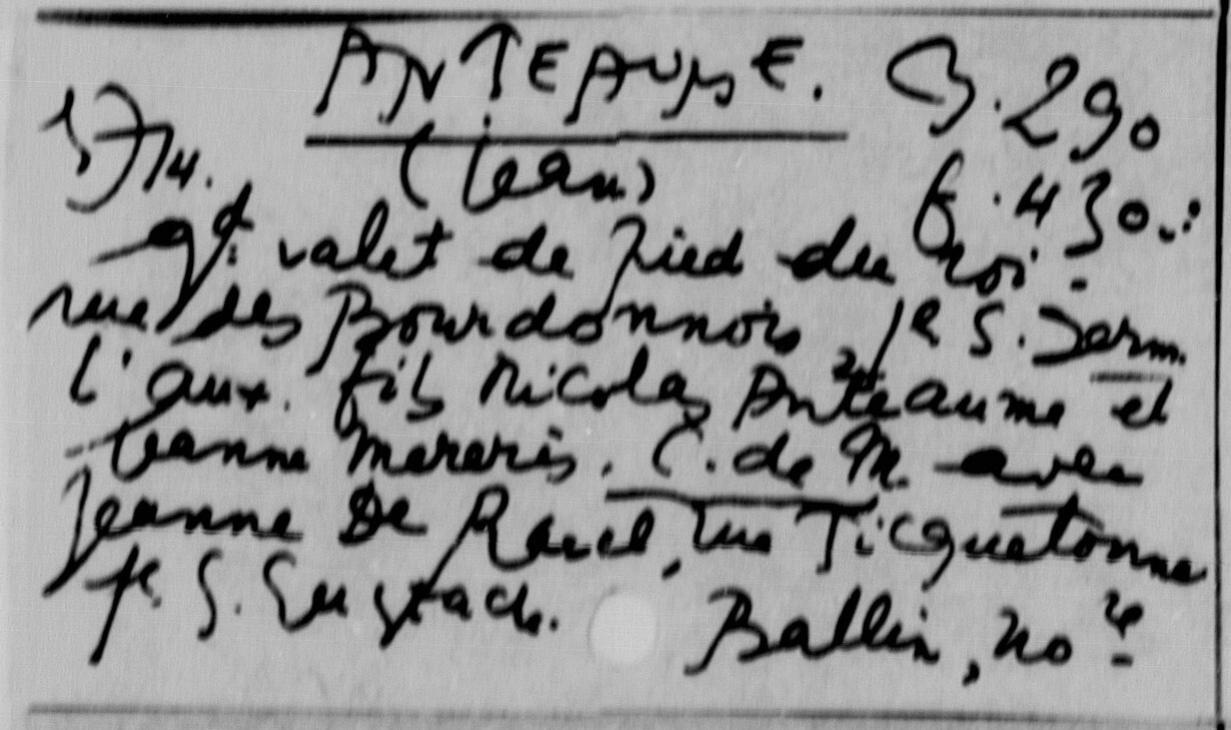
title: ANTEAUME (Jean)
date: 1714
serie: Y
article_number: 290
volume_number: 430v
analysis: Grand valet de pied du roi. Rue des Bourdonnois, paroisse Saint-Germain-l'Auxerrois. Fils Nicolas ANTEAUME et Jeanne MERERIS. Contrat de mariage avec Jeanne de RAVEL, rue Ticquetonne, paroisse Saint-Eustache. Ballin, notaire.
